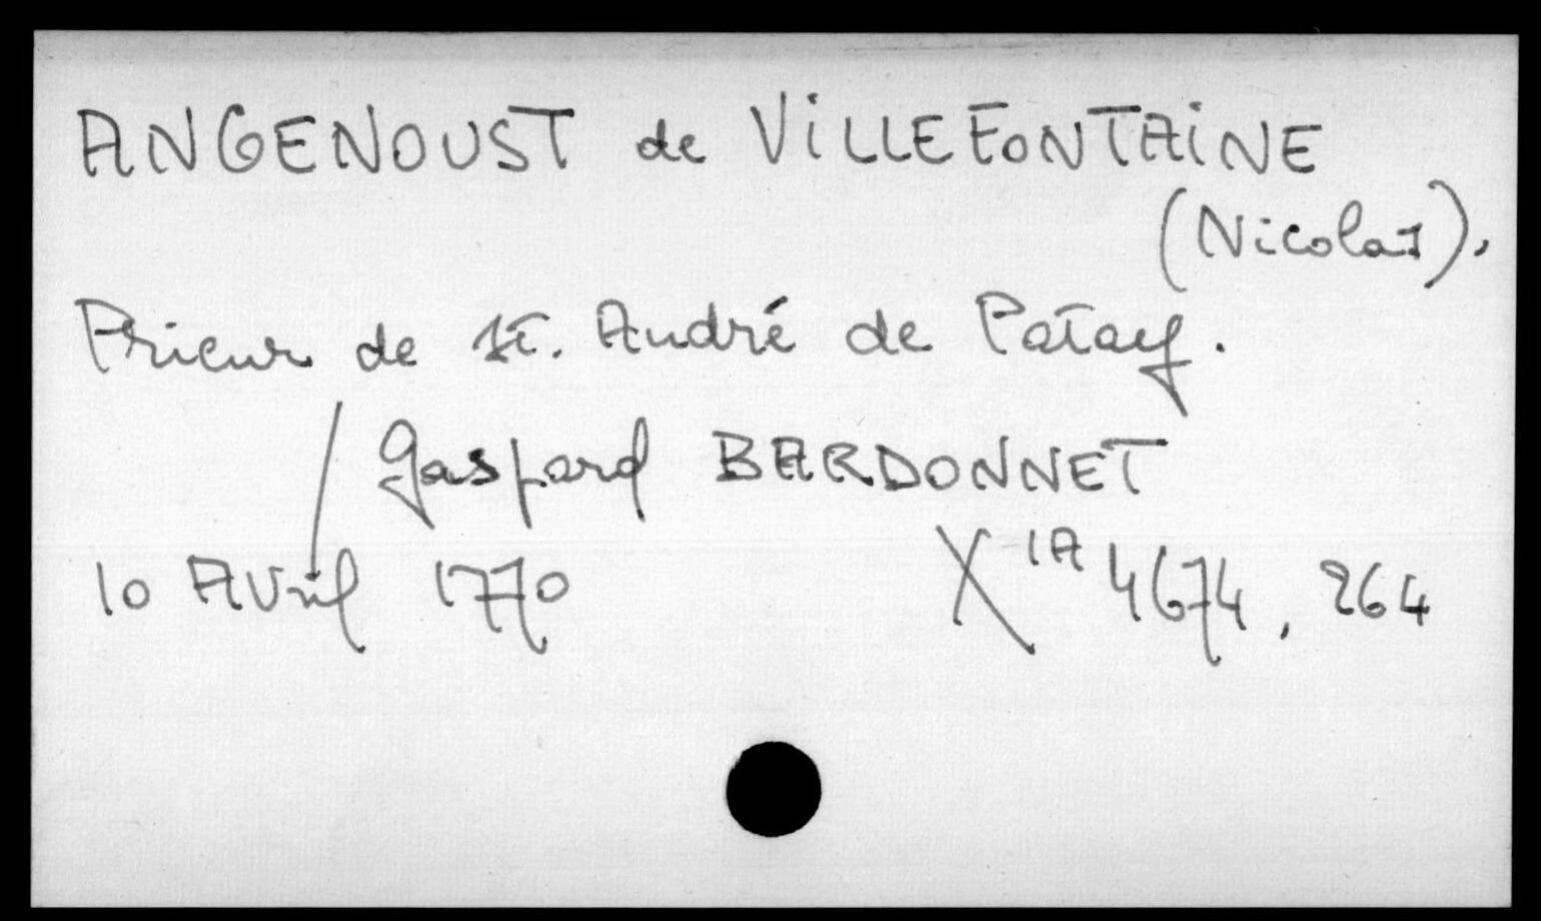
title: ANGENOUST de VILLEFONTAINE (Nicolas), Prieur de Saint-André de Patay
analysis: Contre Gaspard BARDONNET
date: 10 avril 1770
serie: X1A
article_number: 4674
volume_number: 264
